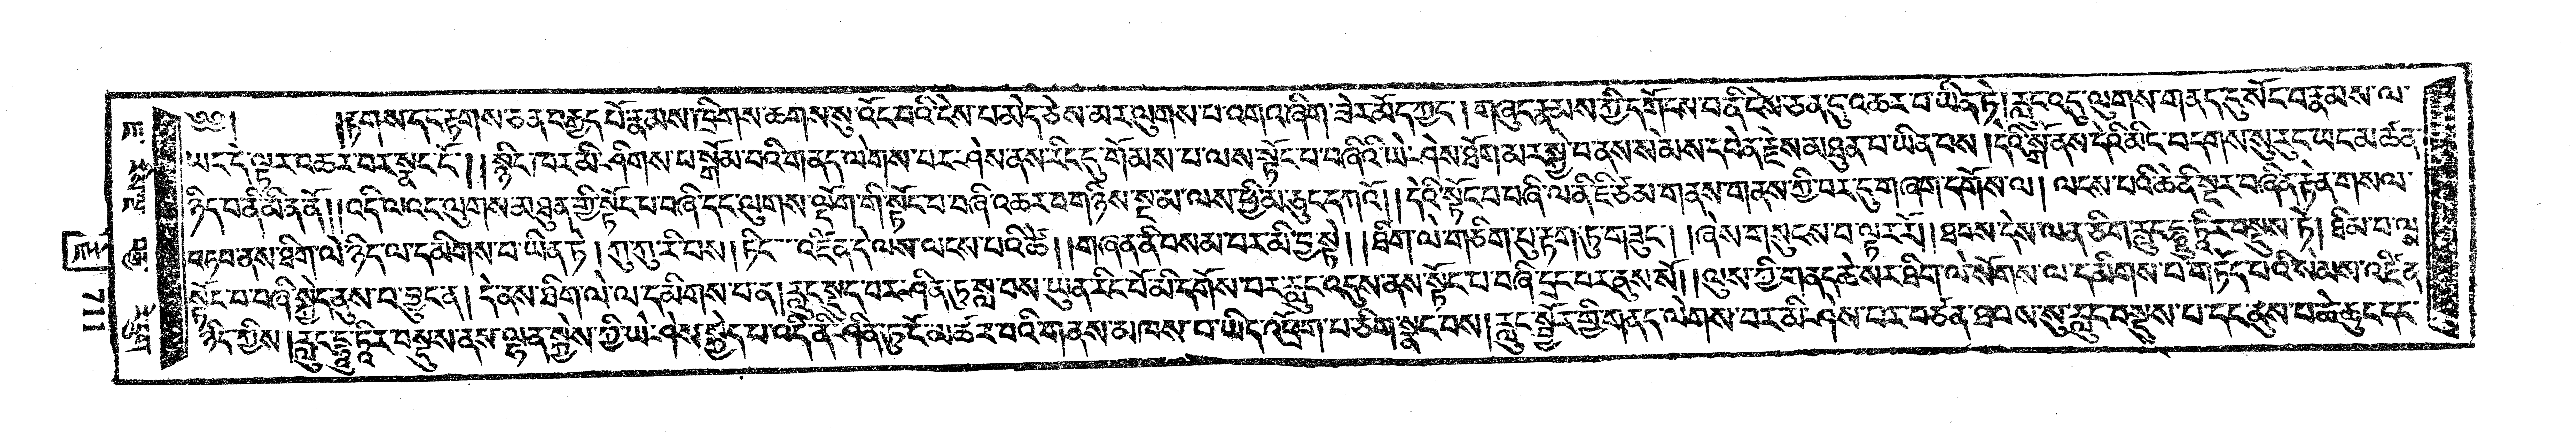༄༅། །རྟགས་དང་རྟགས་ཅན་བརྒྱད་པ་རྣམས་ཁྲིགས་ཆགས་སུ་འོང་བའི་ངེས་པ་མེད་ཅེས་མར་ལུགས་པ་འགའ་ཞིག་ཟེར་མོད་ཀྱང་། གཞུང་རྣམས་ཀྱི་དགོངས་པ་ནི་ངེས་ཅན་དུ་འཆར་བ་ཡིན་ཏེ། རླུང་འདུ་ལུགས་གནད་དུ་སོང་བ་རྣམས་ལ་
ཡང་དེ་ལྟར་འཆར་བར་སྣང་ངོ། །སྙིང་ཁར་མི་ཤིགས་པ་སྒོམ་པའི་གནད་ལེགས་པར་ཤེས་ནས་རིང་དུ་གོམས་པ་ལས་སྟོང་པ་བཞིའི་ཡེ་ཤེས་ཐོག་མར་སྐྱེ་བ་ནས་སེམས་དབེན་རྗེས་མཐུན་པ་ཡིན་པས། དེའི་སྒོ་ནས་དེའི་མིང་བདགས་སུ་རུང་ཡང་མཚན་
ཉིད་པ་ནི་མིན་ནོ། །འདི་ལའང་ལུགས་མཐུན་གྱི་སྟོང་པ་བཞི་དང་ལུགས་ལྡོག་གི་སྟོང་པ་བཞི་འཆར་བ་གཉིས་སྔ་མ་ལས་ཕྱི་མ་ཅུང་དཀའོ། །དེའི་སྟོང་པ་བཞི་ལ་ནི་ཇི་ཙམ་གནས་གནས་ཀྱི་བར་དུ་གཞག་དགོས་ལ། ལངས་པའི་ཆེ་ནི་སྔར་བཞིན་རྟེན་གསལ་
བཏབ་ནས་ཐིག་ལེ་ཉིད་ལ་དམིགས་པ་ཡིན་ཏེ། ཀུ་ཀུ་རི་པས། ཏིང་འཛིན་དེ་ལས་ལངས་པའི་ཚེ། །གཞན་ནི་བསམ་པར་མི་བྱ་སྟེ། །ཐིག་ལེ་གཅིག་པུ་རྟག་ཏུ་གཟུང་། །ཞེས་གསུངས་པ་ལྟར་རོ། །ཐབས་དེས་ལན་ཅིག་རླུང་དྷཱུ་ཏཱིར་བསྡུས་ཏེ། ཐིམ་པ་ལས་
སྟོང་པ་བཞི་སྐྱེད་ནུས་པ་བྱུང་ན། དེ་ནས་ཐིག་ལེ་ལ་དམིགས་པ་ན། རླུང་སྡུད་པར་ཤིན་ཏུ་སླ་བས་ཡུན་རིང་པོ་མི་དགོས་པར་རླུང་འདུས་ནས་སྟོང་པ་བཞི་དྲང་བར་ནུས་སོ། །ལུས་ཀྱི་གནད་ཆེ་སར་ཐིག་ལེ་སོགས་ལ་དམིགས་པ་གཏོད་པའི་སེམས་འཛིན་
ཉིད་ཀྱིས། རླུང་དྷཱུ་ཏཱིར་བསྡུས་ནས་ལྷན་སྐྱེས་ཀྱི་ཡེ་ཤེས་སྐྱེད་པ་འདི་ནི་ཤིན་ཏུ་ངོ་མཚར་བའི་གནས་མཁས་པ་ཡིད་འཕྲོག་པ་ཅིག་སྣང་བས། རླུང་སྦྱོར་གྱི་གནད་ལེགས་པར་མི་ཤེས་པར་བཙན་ཐབས་སུ་རླུང་བསྡུས་པ་དང་ནུས་པ་ཆེ་ཆུང་དང་